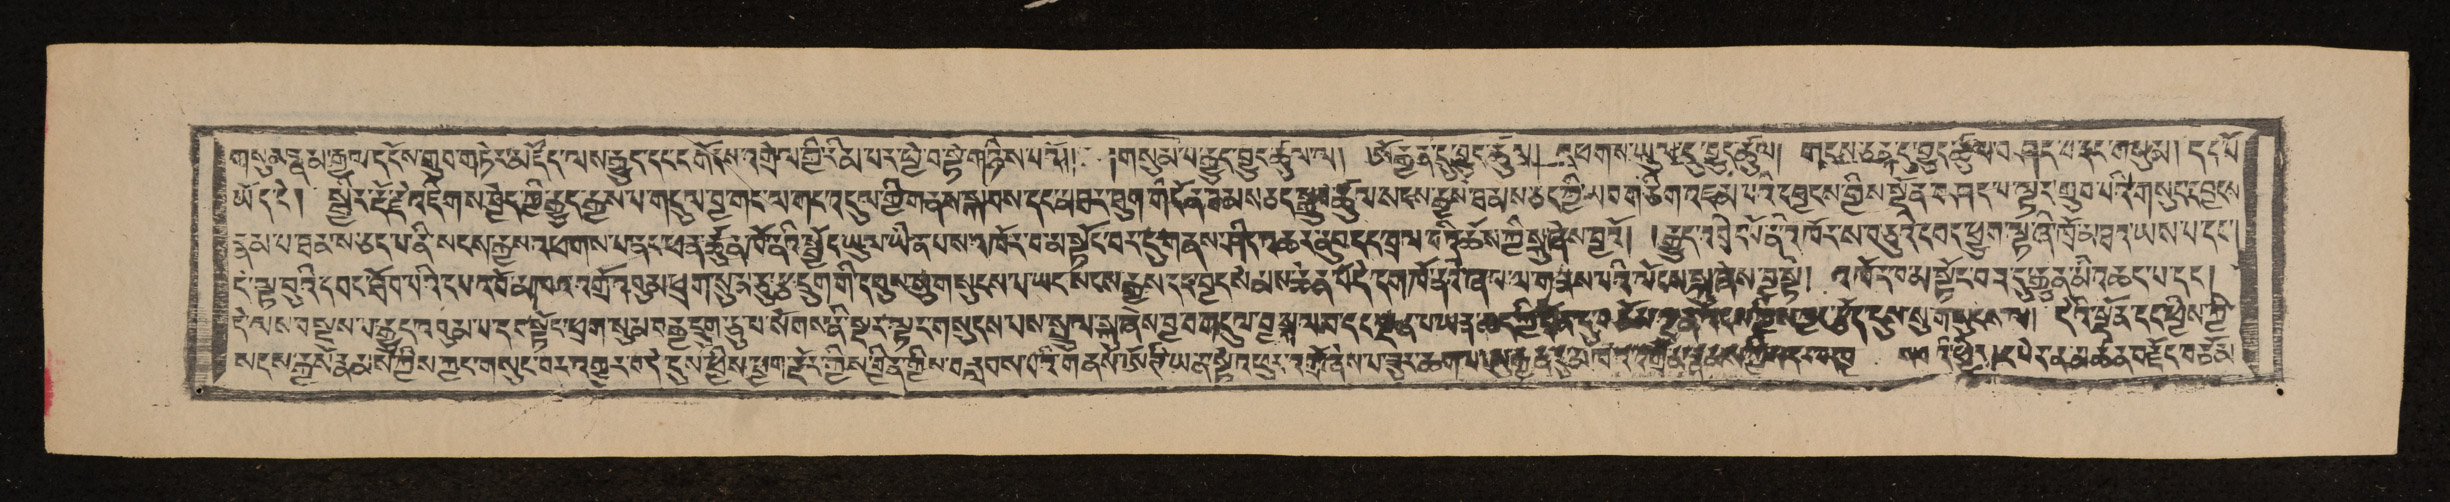གསུམ་རྣམ་རྒྱལ་དངོས་གྲུབ་གཏེར་མཛོད་ལས་རྒྱུད་དང་དགོངས་འགྲེལ་གྱི་རིམ་པར་ཕྱེ་བ་སྟེ་གཉིས་པའོ།། །།གསུམ་བརྒྱུད་བྱུང་ཚུལ་ལ། ཨོ་རྒྱན་དུ་བྱུང་ཚུལ། འཕགས་ཡུལ་དུ་བྱུང་ཚུལ། གངས་ཅན་དུ་བྱུང་ཚུལ་བཤད་པ་དང་གསུམ། དང་པོ་
ཡོད་དེ། སྤྱིར་རྡོ་རྗེ་འཇིགས་བྱེད་ཀྱི་རྒྱུད་རྒྱས་པ་གདུལ་བྱ་གང་ལ་གང་འདུལ་གྱི་གནས་སྐབས་དང་མཐར་ཐུག་གི་དོན་ཐམས་ཅད་སྒྲུབ་ཚུལ་སངས་རྒྱས་ཐམས་ཅད་ཀྱི་ཡབ་གཅིག་འཇམ་པའི་དབྱངས་ཀྱིས་སྔོན་བཤད་པ་ལྟར་གྲུབ་པའི་གསུང་དབྱངས་
རྣམ་པ་ཐམས་ཅད་པ་ནི་སངས་རྒྱས་འཕགས་པ་ནང་ཕན་ཚུན་ཁོ་ནའི་སྤྱོད་ཡུལ་ཡིན་པས་འཁོར་བམ་སྟོང་བར་དུ་གནས་ཤིང་འཆར་ནུབ་དང་བྲལ་པའི་ཆོས་ཀྱི་སྐུ་ཞེས་བྱའོ། །རྒྱུད་འབྲིང་བོ་ནི་འཁོར་ས་བཅུའི་དབང་ཕྱུག་ལྷ་ཞི་ཁྲོ་མཐའ་ཡས་པ་དང་།
དེ་ལྟ་བུའི་དབང་ཐོབ་པའི་དཔའ་བོ་མཁའ་འགྲོ་འབུམ་ཕྲག་སུམ་ཅུ་རྩ་དྲུག་གི་དབུས་སུ་གསུངས་པ་ཡང་སངས་རྒྱས་དང་བྱང་སེམས་ཆེན་པོ་དེ་དག་ཁོ་ནའི་ཞལ་ལ་གནས་པའི་ལོངས་སྐུ་ཞེས་བྱ་སྟེ། འཁོར་བ་མ་སྟོང་བར་དུ་རྒྱུན་མི་འཆད་པ་དང་།
དེ་ལས་བསྡུས་པ་རྒྱུད་འབུམ་པ་དང་སྟོང་ཕྲག་སུམ་བརྒྱ་དྲུག་ཅུ་པ་སོགས་ནི་སྔར་ལྟར་གསུངས་པས་སྤྲུལ་སྐུ་ཞེས་བྱ་བ་གདུལ་བྱ་སྐལ་བ་དང་ལྡན་པ་ཡན་ཆད་ཀྱི་དོན་དུ་བཅོམ་ལྡན་འདས་ཀྱིས་ཀྱང་རྩོད་དུས་སུ་གསུངས་ལ། དེའི་སྔོན་དང་ཕྱི་མ་ཀྱི་
སངས་རྒྱས་རྣམས་ཀྱིས་ཀྱང་གསུང་བར་འགྱུར་བ་དེ་དུས་ཕྱིས་ཕྱག་རྡོར་གྱིས་བྱིན་གྱིས་བརླབས་པའི་གནས་ཨོ་ཊི་ཡན་སྟེ་འཕུར་འགྲོ་ཞེས་བཟུར་ཆག་པ་ཨུ་རྒྱན་དུ་མཁའ་འགྲོ་མ་རྣམས་ཀྱིས་དར་བར་བྱས་པའི་ཕྱིར། དཔེར་ན་མཚན་བརྗོད་བཅོམ་